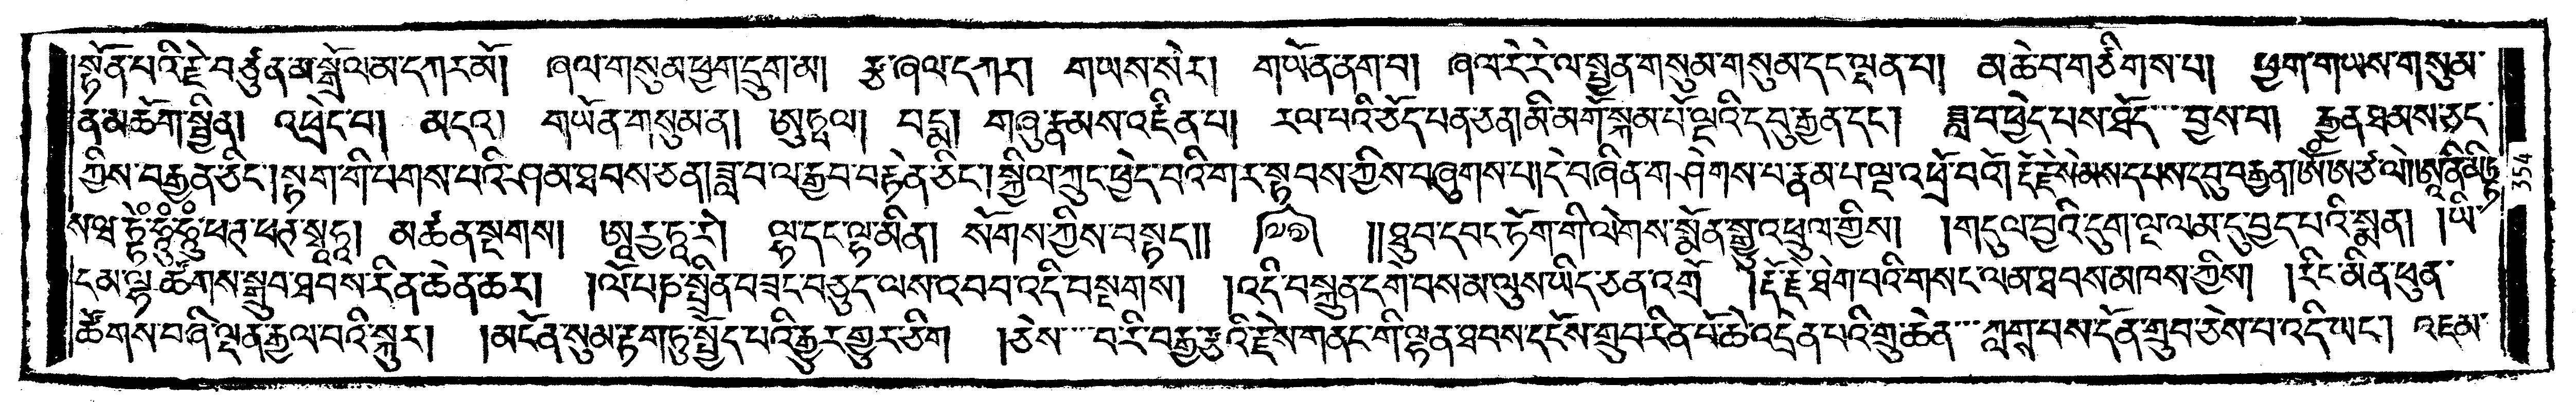སྟོན་པའི་རྗེ་བཙུན་མ་སྒྲོལ་མ་དཀར་མོ། ཞལ་གསུམ་ཕྱག་དྲུག་མ། རྩ་ཞལ་དཀར། གཡས་སེར། གཡོན་ནག་པ། ཞལ་རེ་རེ་ལ་སྤྱན་གསུམ་གསུམ་དང་ལྡན་པ། མཆེ་བ་གཙིགས་པ། ཕྱག་གཡས་གསུམ་
ན་མཆོག་སྦྱིན། འཕྲེང་བ། མདའ། གཡོན་གསུམ་ན། ཨུཏྤལ། པདམ། གཞུ་རྣམས་འཛིན་པ། རལ་པའི་ཅོད་པན་ཅན། མི་མགོ་སྐམ་པོ་ལྔའི་དབུ་རྒྱན་དང་། ཟླ་བ་ཕྱེད་པས་ཐོད་བྱས་པ། རྒྱན་ཐམས་ཅད་
ཀྱིས་བརྒྱན་ཅིང་། སྟག་གི་པགས་པའི་ཤམ་ཐབས་ཅན། ཟླ་བ་ལ་རྒྱབ་བརྟེན་ཅིང་། སྐྱིལ་ཀྲུང་ཕྱེད་བའི་གར་སྟབས་ཀྱིས་བཞུགས་པ། དེ་བཞིན་གཤེགས་པ་རྣམ་པ་ལྔ་འཕྲོ་བའོ། རྡོ་རྗེ་སེམས་དཔས་དབུ་བརྒྱན། ཨོཾ་ཨ་ཙ་ལེ། ཨཱ་ནི་མིཏྟ་
ས་ཝ་ཏྟེཾ་ཧཱུཾ་ཧཱུཾ་ཕཊ་ཕཊ་སྭཱཧཱ། མཚན་སྔགས། ཨཱརྱ་ཏཱ་རེ། ལྷ་དང་ལྷ་མིན། སོགས་ཀྱིས་བསྟད།། ༧༩?་།།ཐུབ་དབང་ཏོག་གི་ལེགས་སྨོན་སྒྱུ་འཕྲུལ་གྱིས། །གདུལ་བྱའི་དུག་ལྔ་ལམ་དུ་བྱད་པའི་སྨན། །ཡི་
དམ་ལྷ་ཚོགས་སྒྲུབ་ཐབས་རིན་ཆེན་ཆར། །ལོ་པཎ་སྤྲིན་བཟང་བཅུད་ལས་འབབ་འདི་བསྔགས། །འདི་བསྐྲུན་དགེ་བསམ་ལུས་ཡིད་ཅན་འགྲོ་།རྡོ་རྗེ་ཐེག་པའི་གསང་ལམ་ཐབས་མཁས་ཀྱིས། །རིང་མིན་ཕུན་
ཚོགས་བཞི་ལྡན་རྒྱལ་བའི་སྐུར། །མངོན་སུམ་རྟག་ཏུ་སྤྱོད་པའི་རྒྱུར་གྱུར་ཅིག །ཅེས་པ་རི་བརྒྱ་རྩའི་རྗེས་གནང་གི་ལྷན་ཐབས་དངོས་གྲུབ་རིན་པོ་ཆེ་འདྲེན་པའི་གྲུ་ཆེན་ཀླགས་པས་དོན་གྲུབ་ཅེས་པ་འདི་ཡང་། འཇམ་